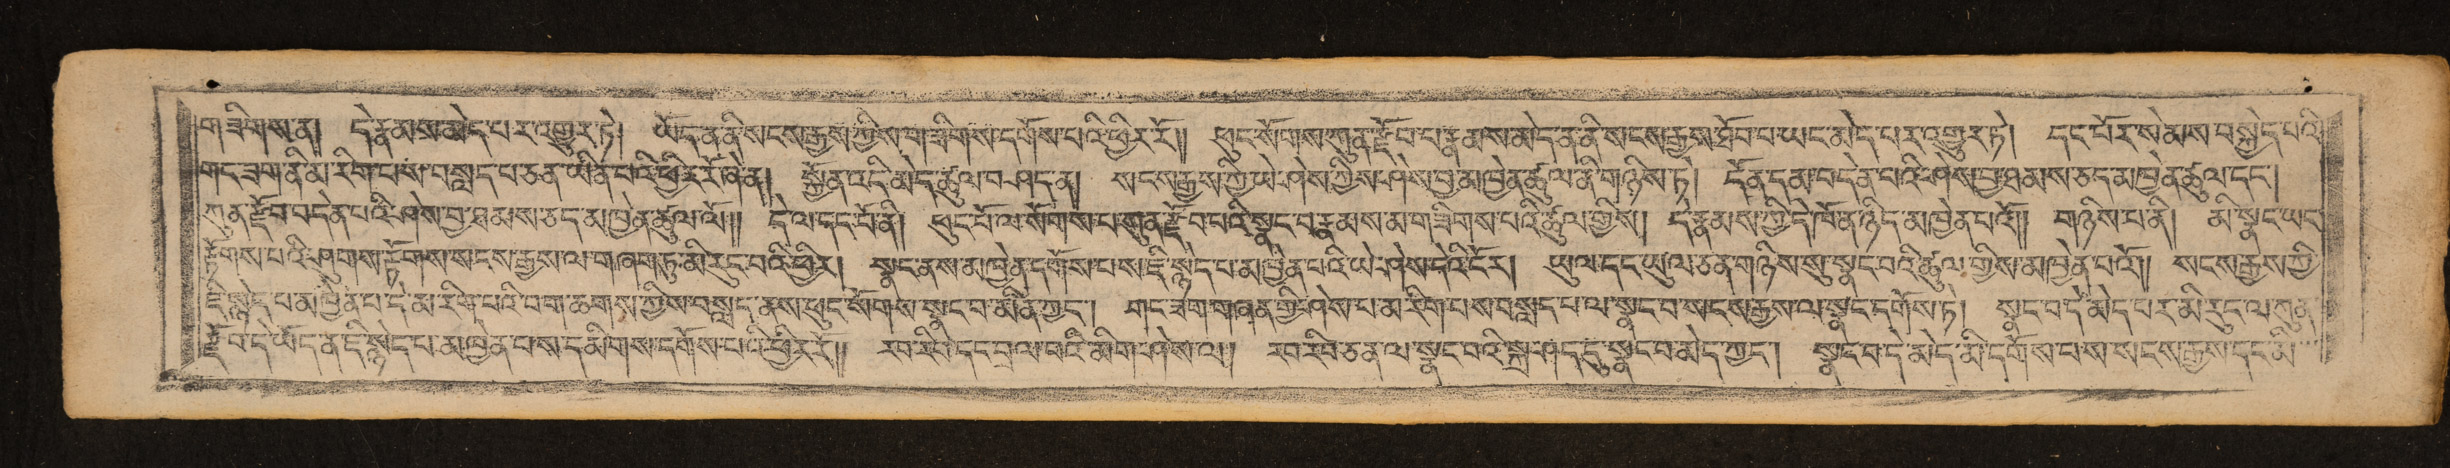གཟིགས་ན། དེ་རྣམས་མེད་པར་འགྱུར་ཏེ། ཡོད་ན་ནི་སངས་རྒྱས་ཀྱིས་གཟིགས་དགོས་པའི་ཕྱིར་རོ།། ཕུང་སོགས་ཀུན་རྫོབ་པ་རྣམས་མེད་ན་ནི་སངས་རྒྱས་ཐོབ་པ་ཡང་མེད་པར་འགྱུར་ཏེ། དང་པོར་སེམས་བསྐྱེད་པའི་
གང་ཟག་ནི་མ་རིག་པས་བསླད་པ་ཅན་ཡིན་པའི་ཕྱིར་རོ་ཞེ་ན། སྐྱོན་འདི་མེད་ཚུལ་བཤད་ན། སངས་རྒྱས་ཀྱི་ཡེ་ཤེས་ཀྱིས་ཤེས་བྱ་མཁྱེན་ཚུལ་ནི་གཉིས་ཏེ། དོན་དམ་བདེན་པའི་ཤེས་བྱ་ཐམས་ཅད་མཁྱེན་ཚུལ་དང་།
ཀུན་རྫོབ་བདེན་པའི་ཤེས་བྱ་ཐམས་ཅད་མཁྱེན་ཚུལ་ལོ།། དེ་ལ་དང་པོ་ནི། ཕུང་པོ་ལ་སོགས་པ་ཀུན་རྫོབ་པའི་སྣང་བ་རྣམས་མ་གཟིགས་པའི་ཚུལ་གྱིས། དེ་རྣམས་ཀྱི་དེ་ཁོ་ན་ཉིད་མཁྱེན་པའོ།། གཉིས་པ་ནི། མི་སྣང་ཡང་
རྟོགས་པའི་ཤུགས་རྟོགས་སངས་རྒྱས་ལ་གཞག་ཏུ་མི་རུང་བའི་ཕྱིར། སྣང་ནས་མཁྱེན་དགོས་པས་ཇི་སྙེད་པ་མཁྱེན་པའི་ཡེ་ཤེས་དེའི་ངོར། ཡུལ་དང་ཡུལ་ཅན་གཉིས་སུ་སྣང་བའི་ཚུལ་གྱིས་མཁྱེན་པའོ།། སངས་རྒྱས་ཀྱི་
ཇི་སྙེད་པ་མཁྱེན་པ་དེ་མ་རིག་པའི་བག་ཆགས་ཀྱིས་བསླད་ནས་ཕུང་སོགས་སྣང་བ་མིན་ཀྱང་། གང་ཟག་གཞན་གྱི་ཤེས་པ་མ་རིག་པས་བསླད་པ་ལ་སྣང་བ་སངས་རྒྱས་ལ་སྣང་དགོས་ཏེ། སྣང་བ་དེ་མེད་པར་མི་རུང་ལ་ཀུན་
རྫོབ་དེ་ཡོད་ན་ཇི་སྙེད་པ་མཁྱེན་པས་དམིགས་དགོས་པའི་ཕྱིར་རོ།། རབ་རིབ་དང་བྲལ་བའི་མིག་ཤེས་ལ། རབ་རིབ་ཅན་ལ་སྣང་བའི་སྐྲ་ཤད་དུ་སྣང་བ་མེད་ཀྱང་། སྣང་བ་དེ་མེད་མི་དགོས་པས་སངས་རྒྱས་དང་མི་